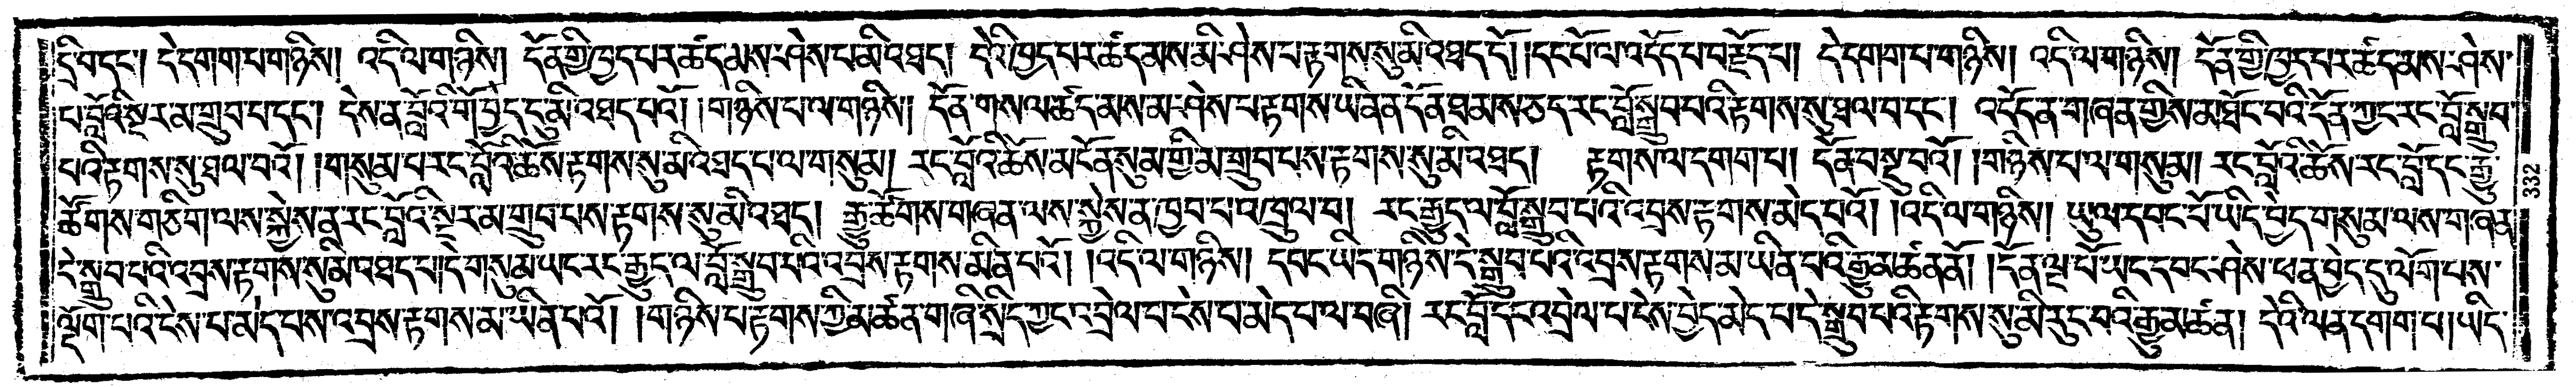དྲི་བ་དང་། དེ་དགག་པ་གཉིས། འདི་ལ་གཉིས། དོན་གྱི་ཁྱད་པར་ཚད་མས་ཤེས་པ་མི་འཐད། དེའི་ཁྱད་པར་ཚད་མས་མི་ཤེས་པ་རྟགས་སུ་མི་འཐད་དོ། །དང་པོ་ལ་འདོད་པ་བརྗོད་པ། དེ་དགག་པ་གཉིས། འདི་ལ་གཉིས། དོན་གྱི་ཁྱད་པར་ཚད་མས་ཤེས་
པ་བློའི་སྔར་མ་གྲུབ་པ་དང་། དེས་ན་བློའི་གོ་བྱེད་དུ་མི་འཐད་པའོ། །གཉིས་པ་ལ་གཉིས། དོན་གསལ་ཚད་མས་མ་ཤེས་པ་རྟགས་ཡིན་ན་དོན་ཐམས་ཅད་རང་བློ་སྒྲུབ་པའི་རྟགས་སུ་ཐལ་བ་དང་། འདོད་ན་གཞན་གྱིས་མཐོང་བའི་དོན་ཀྱང་རང་བློ་སྒྲུབ་
པའི་རྟགས་སུ་ཐལ་བའོ། །གསུམ་པ་རང་བློའི་ཆོས་རྟགས་སུ་མི་འཐད་པ་ལ་གསུམ། རང་བློའི་ཆོས་མངོན་སུམ་གྱི་མ་གྲུབ་པས་རྟགས་སུ་མི་འཐད། རྟགས་ལ་དགག་པ། དོན་བསྡུ་བའོ། །གཉིས་པ་ལ་གསུམ། རང་བློའི་ཆོས་རང་བློ་དང་རྒྱུ་
ཚོགས་གཅིག་ལས་སྐྱེས་ན་རང་བློའི་སྔར་མ་གྲུབ་པས་རྟགས་སུ་མི་འཐད། རྒྱུ་ཚོགས་གཞན་ལས་སྐྱེས་ན་ཁྱབ་པ་འཁྲུལ་པ། རང་རྒྱུད་ལ་བློ་སྒྲུབ་པའི་འབྲས་རྟགས་མེད་པའོ། །འདི་ལ་གཉིས། ཡུལ་དབང་པོ་ཡིད་བྱེད་གསུམ་ལས་གཞན་
དེ་སྒྲུབ་པའི་འབྲས་རྟགས་སུ་མི་འཐད་པ། དེ་གསུམ་ཡང་རང་རྒྱུད་ལ་བློ་སྒྲུབ་པའི་འབྲས་རྟགས་མིན་པའོ། །འདི་ལ་གཉིས། དབང་ཡིད་གཉིས་དེ་སྒྲུབ་པའི་འབྲས་རྟགས་མ་ཡིན་པའི་རྒྱུ་མཚན་ནོ། །དོན་ལྔ་པོ་ཡང་དབང་ཤེས་ཕན་བྱེད་དུ་ལོག་པས་
ལྡོག་པའི་ངེས་པ་མེད་པས་འབྲས་རྟགས་མ་ཡིན་པའོ། །གཉིས་པ་རྟགས་ཀྱི་མཚན་གཞི་སྲིད་ཀྱང་འབྲེལ་པ་ངེས་པ་མེད་པ་ལ་བཞི། རང་བློ་དང་འབྲེལ་པ་ངེས་བྱེད་མེད་པ་དེ་སྒྲུབ་པའི་རྟགས་སུ་མི་རུང་བའི་རྒྱུ་མཚན། དེའི་ལན་དགག་པ། ཡིད་